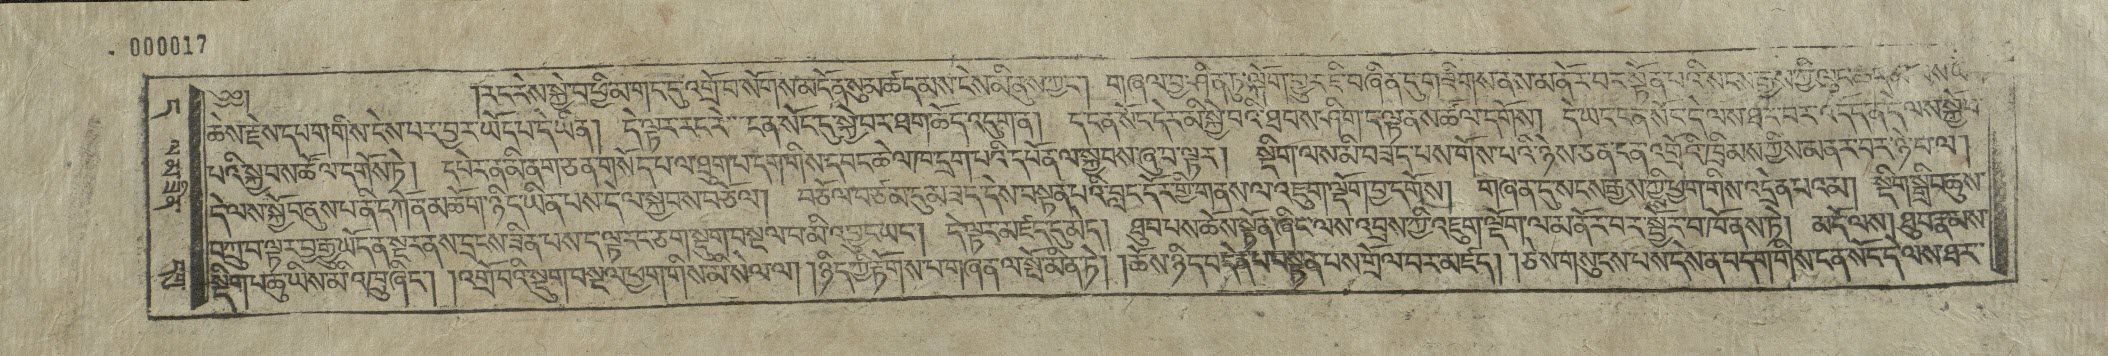༄༅། །རང་རེས་སྐྱེ་བ་ཕྱི་མ་གང་དུ་འགྲོ་བ་སོགས་མངོན་སུམ་ཚད་མས་ངེས་མི་ནུས་ཀྱང་། གཞལ་བྱ་ཤིན་ཏུ་ལྐོག་གྱུར་ཇི་བཞིན་དུ་གཟིགས་ནས་མ་ནོར་བར་སྟོན་པའི་སངས་རྒྱས་ཀྱི་ལུང་ཚད་མ་ལས་ཡིད་
ཆེས་རྗེས་དཔག་གིས་ངེས་པར་བྱར་ཡོད་པ་དེ་ཡིན། དེ་ལྟར་རང་རེ་ངན་སོང་དུ་སྐྱེ་བར་ཐག་ཆོད་འདུག་ན། ད་ངན་སོང་དེར་མི་སྐྱེ་བའི་ཐབས་ཤིག་ད་ལྟ་ནས་ཚོལ་དགོས། དེ་ཡང་ངན་སོང་དེ་ལས་ཐར་བར་འདོད་ན་དེ་ལས་སྐྱོབ་
པའི་སྐྱབས་ཚོལ་དགོས་ཏེ། དཔེར་ན་མི་ནག་ཅན་གསོད་པ་ལ་ཐུག་པ་དག་གིས་དབང་ཆེ་ལ་ཁ་དྲག་པའི་དཔོན་ལ་སྐྱབས་ཞུ་བ་ལྟར། སྡིག་ལས་མི་བཟད་པས་གོས་པའི་ཉེས་ཅན་ངན་འགྲོའི་ཁྲིམས་ཀྱིས་མནར་བར་ཉེ་བ་ལ།
དེ་ལས་སྐྱོབ་ནུས་པ་ནི་དཀོན་མཆོག་ཉིད་ཡིན་པས་དེ་ལ་སྐྱབས་བཅོལ། བཅོལ་བ་ཙམ་དུ་མ་ཟད་དེས་བསྟན་པའི་བླང་དོར་གྱི་གནས་ལ་འཇུག་ལྡོག་བྱ་དགོས། གཞན་དུ་སངས་རྒྱས་ཀྱིས་ཕྱག་གིས་འདྲེན་པའམ། སྡིག་སྒྲིབ་ཆུས་
བཀྲུ་བ་ལྟར་བྱ་རྒྱུ་ཡོད་ན་སྔར་ནས་དྲངས་ཟིན་པས་ད་ལྟ་རང་ཅག་སྡུག་བསྔལ་བ་མི་འབྱུང་ཡང་། དེ་ལྟར་མཛད་དུ་མེད། ཐུབ་པས་ཆོས་སྟོན་ཞིང་ལས་འབྲས་ཀྱི་འཇུག་ལྡོག་ལ་མ་ནོར་བར་སྦྱོར་བ་ཁོ་ནས་ཏེ། མདོ་ལས། ཐུབ་རྣམས་
སྡིག་པ་ཆུ་ཡིས་མི་འཁྲུ་ཞིང་། །འགྲོ་བའི་སྡུག་བསྔལ་ཕྱག་གིས་མི་སེལ་ལ། །ཉིད་ཀྱི་རྟོགས་པ་གཞན་ལ་སྤོ་མིན་ཏེ། །ཆོས་ཉིད་བདེན་པ་བསྟན་པས་གྲོལ་བར་མཛད། །ཅེས་གསུངས་པས་དེས་ན་བདག་གིས་ངན་སོང་དེ་ལས་ཐར་